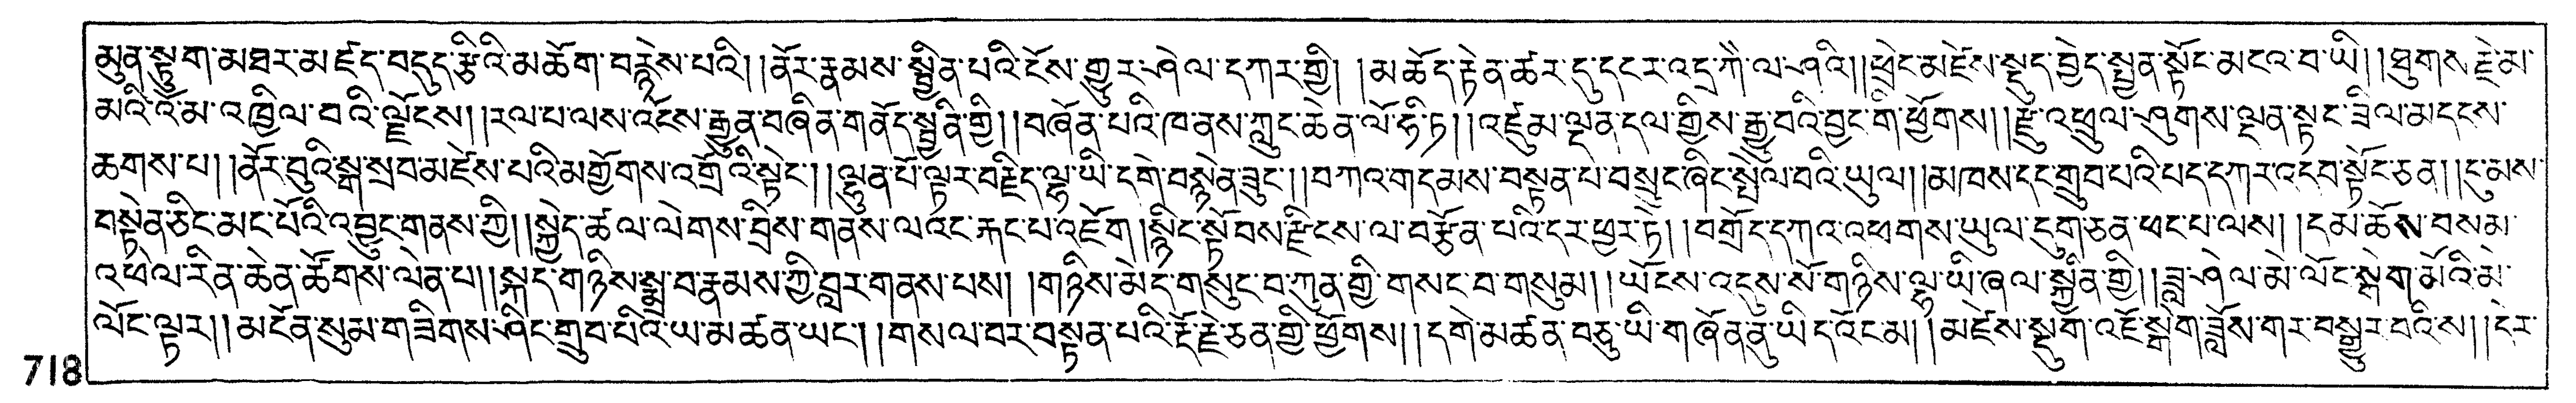མུན་སྟུག་མཐར་མཛད་བདུད་རྩིའི་མཆོག་བརྙེས་པའི། །ནོར་རྣམས་སྦྱིན་པའི་ངོས་གྱུར་ཤེལ་དཀར་གྱི། །མཆོད་རྟེན་ཚར་དུ་དང་ར་འདྲ་ཀཻ་ལ་ཤའི། །ཕྲེང་མཛེས་སྡུད་བྱེད་སྤྱན་སྟོང་མངའ་བ་ཡི། །ཐུགས་རྗེ་མ་
མའི་འོ་མ་འཁྱིལ་བའི་ལྗོངས། །རལ་པ་ལས་འོངས་རྒྱུན་བཞིན་གནོད་སྦྱིན་གྱི། །བཞོན་པའི་ཁ་ནས་ཀླུང་ཆེན་ལོ་ཧི་ཏ། །འཛུམ་ལྡན་དལ་གྱིས་རྒྱུ་བའི་བྱང་གི་ཕྱོགས། །རྫུ་འཕྲུལ་ཤུགས་ལྡན་སྟང་ཟིལ་མདངས་
ཆགས་པ། །ནོར་བུའི་སྒ་སྲབ་མཛེས་པའི་མགྱོགས་འགྲོའི་སྟེང་། །ལྷུན་པོ་ལྟར་བརྗིད་ལྷ་ཡི་དགེ་བསྙེན་ཟུང་། །བཀའ་གདམས་བསྟན་པ་བསྲུང་ཞིང་སྤེལ་བའི་ཡུལ། །མཁས་དང་གྲུབ་པའི་པད་དཀར་འདབ་སྟོང་ཅན། །དུ་མས་
བསྟེན་ཅིང་མང་པོའི་འབྱུང་གནས་ཀྱི། །སྐྱེད་ཚལ་ལེགས་བྲིས་གནས་ལའང་རྐང་པ་འཇོག །སྙིང་སྟོབས་རྫིངས་ལ་བརྩོན་པའི་དར་ཕྱར་ཏེ། །བགྲོད་དཀའ་འཕགས་ཡུལ་དུག་ཅན་ཕང་པ་ལས། །དམ་ཆོས་བསམ་
འཕེལ་རིན་ཆེན་ཚོགས་ལེན་པ། །སྐད་གཉིས་སྨྲ་བ་རྣམས་ཀྱི་བླར་གནས་པས། །གཉིས་མེད་གསུང་བ་ཀུན་གྱི་གསང་བ་གསུམ། །ཡོངས་འདུས་སོ་གཉིས་ལྷ་ཡི་ཞལ་སྐྱིན་གྱི། །ཟླ་ཤེལ་མེ་ལོང་སྒེག་མོའི་མེ་
ལོང་ལྟར། །མངོན་སུམ་གཟིགས་ཤིང་གྲུབ་པའི་ཡ་མཚན་ཡང་། །གསལ་བར་བསྟན་པའི་རྡོ་རྗེ་ཅན་གྱི་ཕྱོགས། །དགེ་མཚན་བཅུ་ཡི་གཞོན་ནུ་ཡིད་འོང་མ། །མཛེས་སྡུག་འཇོ་སྒེག་ཟློས་གར་བསྒྱུར་བའི་ས། །དེར་